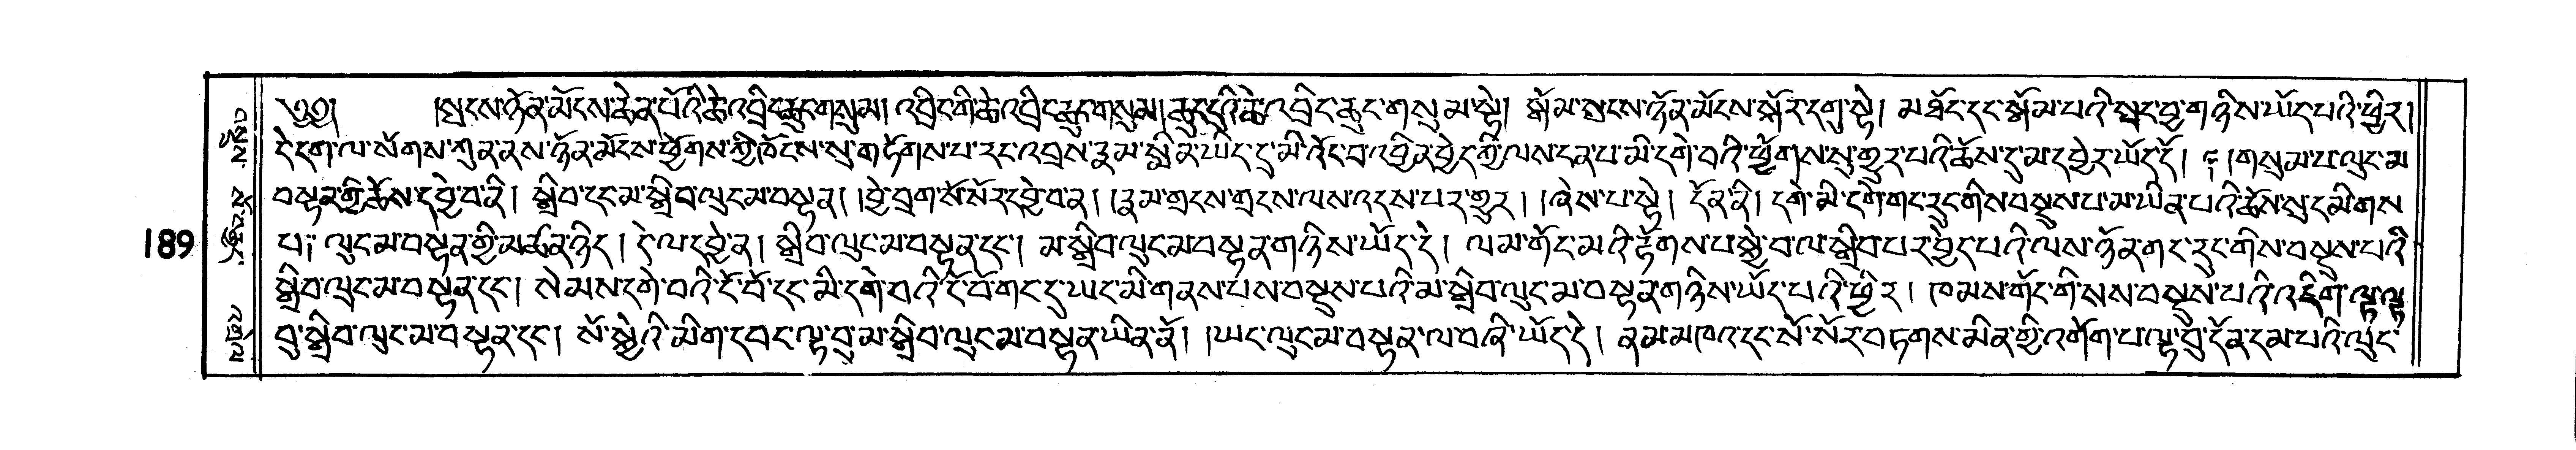༄༅། །སྤངས་ཉོན་མོངས་ཆེན་པོའི་ཆེ་འབྲིང་ཆུང་གསུམ། འབྲིང་གི་ཆེ་འབྲིང་ཆུང་གསུམ། ཆུང་དུའི་ཆེ་འབྲིང་ཆུང་གསུམ་སྟེ། སྒོམ་སྤངས་ཉོན་མོངས་སྐོར་དགུ་སྟེ། མཐོང་དང་སྒོམ་པའི་སྤང་བྱ་གཉིས་ཡོད་པའི་ཕྱིར།
དེ་དག་ལ་སོགས་ཀུན་ནས་ཉོན་མོངས་ཕྱོགས་ཀྱི་ཁོངས་སུ་གཏོགས་པ་རང་འབྲས་རྣམ་སྨིན་ཡིད་དུ་མི་འོང་བ་འབྱིན་བྱེད་ཀྱི་ལས་ངན་པ་མི་དགེ་བའི་ཕྱོགས་སུ་གྱུར་པའི་ཆོས་དུ་མ་དབྱེར་ཡོད་དོ། ༈ །གསུམ་པ་ལུང་མ་
བསྟན་གྱི་ཆོས་དབྱེ་བ་ནི། སྒྲིབ་དང་མ་སྒྲིབ་ལུང་མ་བསྟན། །བྱེ་བྲག་སོ་སོར་དབྱེ་བ་ན། །རྣམ་གྲངས་གྲངས་ལས་འདས་པར་གྱུར། །ཞེས་པ་སྟེ། དོན་ནི། དགེ་མི་དགེ་གང་རུང་གིས་བསྡུས་པ་མ་ཡིན་པའི་ཆོས་སུ་དམིགས་
པ༑ ལུང་མ་བསྟན་གྱི་མཚན་ཉིད། དེ་ལ་དབྱེ་ན། སྒྲིབ་ལུང་མ་བསྟན་དང་། མ་སྒྲིབ་ལུང་མ་བསྟན་གཉིས་ཡོད་དེ། ལམ་གོང་མའི་རྟོགས་པ་སྐྱེ་བ་ལ་སྒྲིབ་པར་བྱེད་པའི་ལས་ཉོན་གང་རུང་གིས་བསྡུས་པའི་
སྒྲིབ་ལུང་མ་བསྟན་དང་། སེམས་དགེ་བའི་ངོ་བོ་དང་མི་དགེ་བའི་ངོ་བོ་གང་དུ་ཡང་མི་གནས་པས་བསྡུས་པའི་མ་སྒྲིབ་ལུང་མ་བསྟན་གཉིས་ཡོད་པའི་ཕྱིར། ཁམས་གོང་གི་སས་བསྡུས་པའི་འཇིག་ལྟ་ལྟ་
བུ་སྒྲིབ་ལུང་མ་བསྟན་དང་། སོ་སྐྱེའི་མིག་དབང་ལྟ་བུ་མ་སྒྲིབ་ལུང་མ་བསྟན་ཡིན་ནོ། །ཡང་ལུང་མ་བསྟན་ལ་བཞི་ཡོད་དེ། ནམ་མཁའ་དང་སོ་སོར་བཏགས་མིན་གྱི་འགོག་པ་ལྟ་བུ་དོན་དམ་པའི་ལུང་